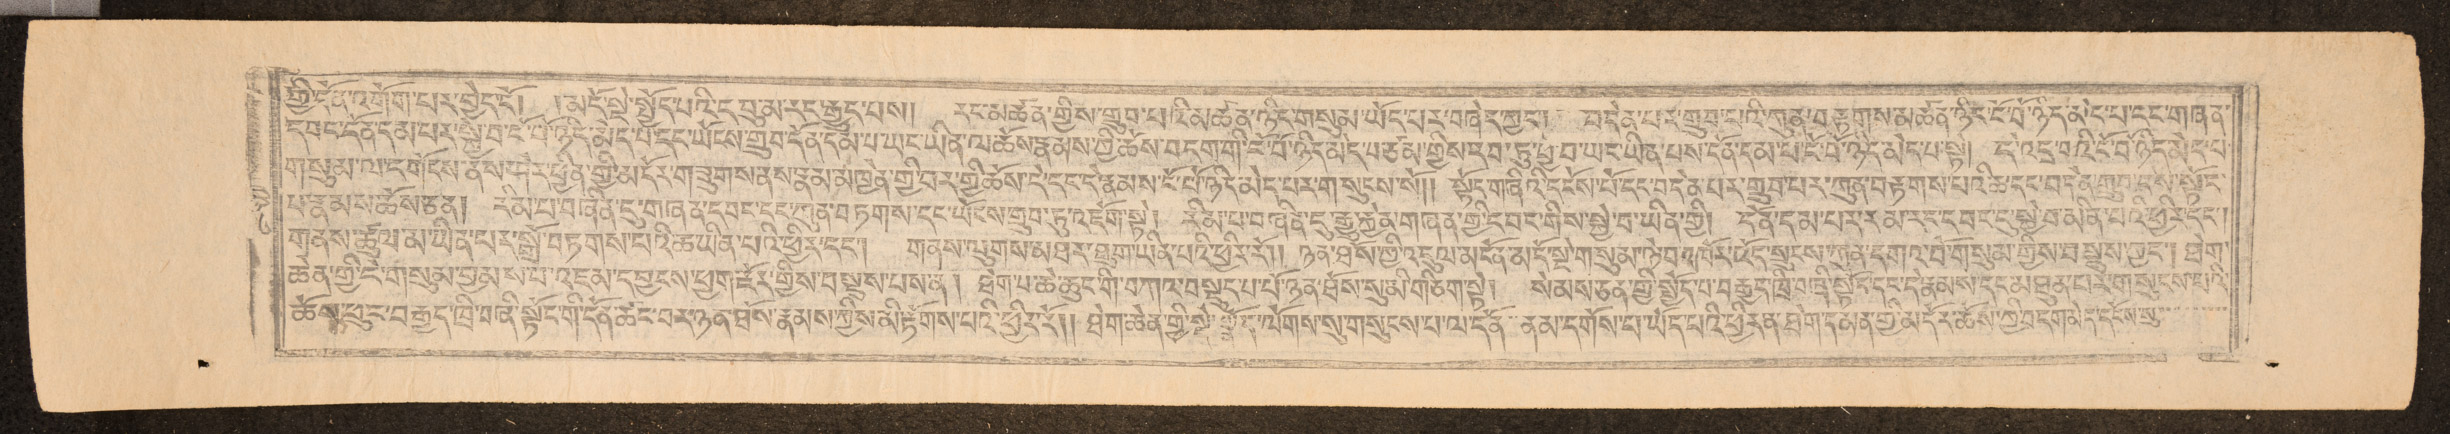གྱི་དོན་འགོག་པར་བྱེད་དོ། །མདོ་སྔེ་སྤྱོད་པའི་དབུ་མ་རང་རྒྱུད་པས། རང་མཚན་གྱིས་གྲུབ་པའི་མཚན་ཉིད་གསུམ་ཡོད་པར་བཞེད་ཀྱང་། བདེན་པར་གྲུབ་པའི་ཀུན་བརྟགས་མཚན་ཉིད་ངོ་བོ་ཉིད་མེད་པ་དང་གཞན་
དབང་དོན་དམ་པར་སྐྱེ་བ་ངོ་བོ་ཉིད་མེད་པ་དང་ཡོངས་གྲུབ་དོན་དམ་པ་ཡང་ཡིན་ལ་ཆོས་རྣམས་ཀྱི་ཆོས་བདག་གི་ངོ་བོ་ཉིད་མེད་པ་ཙམ་གྱིས་རབ་ཏུ་ཕྱེ་བ་ཡང་ཡིན་པས་དོན་དམ་པ་ངོ་བོ་ཉིད་མེད་པ་སྟེ། དེ་འདྲ་བའི་ངོ་བོ་ཉིད་མེད་པ་
གསུམ་ལ་དགོངས་ནས་ཤེར་ཕྱིན་གྱི་མདོར་གཟུགས་ནས་རྣམ་མཁྱེན་གྱི་བར་གྱི་ཆོས་དེ་དང་དེ་རྣམས་ངོ་བོ་ཉིད་མེད་པར་གསུངས་སོ། །སྟོང་གཞིའི་དངོས་པོ་དང་བདེན་པར་གྲུབ་པར་ཀུན་བརྟགས་པའི་ཚ་དང་བདེན་གྲུབ་ངེས་སྟོང་
པ་རྣམས་ཆོས་ཅན། རིམ་པ་བཞིན་དུ་གཞན་དབང་དང་ཀུན་བཏགས་དང་ཡོངས་གྲུབ་ཏུ་འཇོག་སྟེ། རིམ་བ་བཞིན་དུ་རྒྱུ་རྐྱེན་གཞན་གྱི་དབང་གིས་སྐྱེ་བ་ཡིན་གྱི། དོན་དམ་པར་རམ་རང་དབང་དུ་སྐྱེ་བ་མིན་པའི་ཕྱིར་དང་།
གནས་ཚུལ་མ་ཡིན་པར་སྒྲོ་བཏགས་པའི་ཆ་ཡིན་པའི་ཕྱིར་དང་། གནས་ལུགས་མཐར་ཐུག་ཡིན་པའི་ཕྱིར་རོ། །ཉན་ཐོས་ཀྱི་འདུལ་མངོན་མདོ་སྔེ་གསུམ་ཉེ་བ་འཁོར་འོད་སྲུངས་ཀུན་དགའ་བོ་གསུམ་གྱིས་བསྡུས་ཀྱང་། ཐེག་
ཆེན་གྱི་དེ་གསུམ་བྱམས་པ་འཇམ་དབྱངས་ཕྱག་རྡོར་གྱིས་བསྡུས་པས་ན། ཐེག་པ་ཆེ་ཆུང་གི་བཀའ་བསྡུད་པ་པོ་ཉན་ཐོས་སུ་མི་གཅིག་སྟེ། སེམས་ཅན་གྱི་སྤྱོད་པ་བརྒྱད་ཁྲི་བཞི་སྟོང་དང་དེ་རྣམས་དང་མཐུན་པར་གསུངས་པའི་
ཆོས་ཕུང་བརྒྱད་ཁྲི་བཞི་སྟོང་གི་དོན་ཚང་བར་ཉན་ཐོས་རྣམས་ཀྱིས་མི་རྟོགས་པའི་ཕྱིར་རོ།། ཐེག་ཆེན་གྱི་སྡེ་སྣོད་ལོགས་སུ་གསུངས་པ་ལ་དོན་ནམ་དགོས་པ་ཡོད་པའི་ཕྱིར་ན་ཐེག་དམན་གྱི་མདོར་ཆོས་ཀྱི་བདག་མེད་དངོས་སུ་